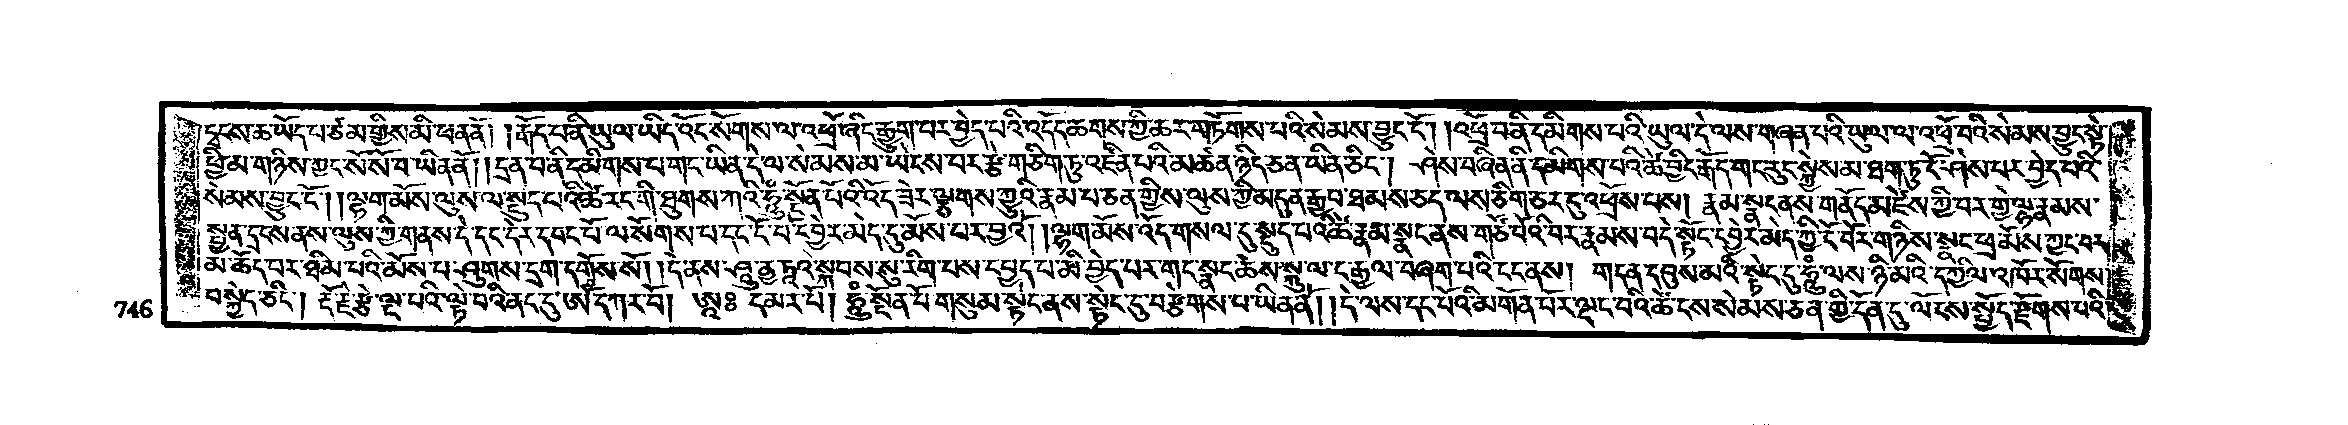དྭངས་ཆ་ཡོད་པ་ཙམ་གྱིས་མི་ཕན་ནོ། །རྒོད་པ་ནི་ཡུལ་ཡིད་འོང་སོགས་ལ་འཕྲོ་ཞིང་རྒྱུག་པར་བྱེད་པའི་འདོད་ཆགས་ཀྱི་ཆར་གཏོགས་པའི་སེམས་བྱུང་ངོ། །འཕྲོ་བ་ནི་དམིགས་པའི་ཡུལ་དེ་ལས་གཞན་པའི་ཡུལ་ལ་འཕྲོ་བའི་སེམས་བྱུང་སྟེ་
ཕྱི་མ་གཉིས་ཀྱང་སོ་སོ་བ་ཡིན་ནོ། །དྲན་པ་ནི་དམིགས་པ་གང་ཡིན་དེ་ལ་སེམས་མ་ཡེངས་པར་རྩེ་གཅིག་ཏུ་འཛིན་པའི་མཚན་ཉིད་ཅན་ཡིན་ཅིང་། ཤེས་བཞིན་ནི་དམིགས་པའི་ཚེ་བྱིང་རྒོད་གང་རུང་སྐྱེས་མ་ཐག་ཏུ་ངོ་ཤེས་པར་བྱེད་པའི་
སེམས་བྱུང་ངོ། །ལྷག་མོས་ལུས་ལ་སྡུད་པའི་ཚེ་རང་གི་ཐུགས་ཀའི་ཧཱུཾ་སྔོན་པོའི་འོད་ཟེར་ལྕགས་ཀྱུའི་རྣམ་པ་ཅན་གྱིས་ལུས་ཀྱི་མདུན་རྒྱབ་ཐམས་ཅད་ལས་ཅིག་ཅར་དུ་འཕྲོས་པས། རྣམ་སྣང་ནས་གནོད་མཛེས་ཀྱི་བར་གྱི་ལྷ་རྣམས་
སྤྱན་དྲངས་ནས་ལུས་ཀྱི་གནས་དེ་དང་དེར་དབང་པོ་ལ་སོགས་པ་དང་ངོ་བོ་དབྱེར་མེད་དུ་མོས་པར་བྱའོ། །ལྷག་མོས་འོད་གསལ་དུ་སྡུད་པའི་ཚེ་རྣམ་སྣང་ནས་གཙོ་བོའི་བར་རྣམས་བདེ་སྟོང་དབྱེར་མེད་ཀྱི་ངོ་བོར་གཉིས་སྣང་ཕྲ་མོས་ཀྱང་བར་
མ་ཆོད་པར་ཐིམ་པའི་མོས་པ་ཤུགས་དྲག་དགོས་སོ། །དེ་ནས་ཤཱུ་ནྱ་ཏཱིའི་སྐབས་སུ་རིག་པས་དཔྱད་པ་མི་བྱེད་པར་གང་སྣང་ཆོས་སྐུ་ལ་ང་རྒྱལ་བཞག་པའི་ངང་ནས། གདན་དབུས་མའི་སྟེང་དུ་ཧཱུཾ་ལས་ཉི་མའི་དཀྱིལ་འཁོར་སོགས་
བསྐྱེད་ཅིང་། རྡོ་རྗེ་རྩེ་ལྔ་པའི་ལྟེ་བའི་ནང་དུ་ཨོཾ་དཀར་པོ། ཨཱཿ དམར་པོ། ཧཱུཾ་སྔོན་པོ་གསུམ་སྟེང་ནས་སྟེང་དུ་བརྩེགས་པ་ཡིན་ནོ། །དེ་ལས་དང་པོའི་མགོན་པོར་ལྡང་བའི་ཚེ་ངས་སེམས་ཅན་གྱི་དོན་དུ་ལོངས་སྤྱོད་རྫོགས་པའི་